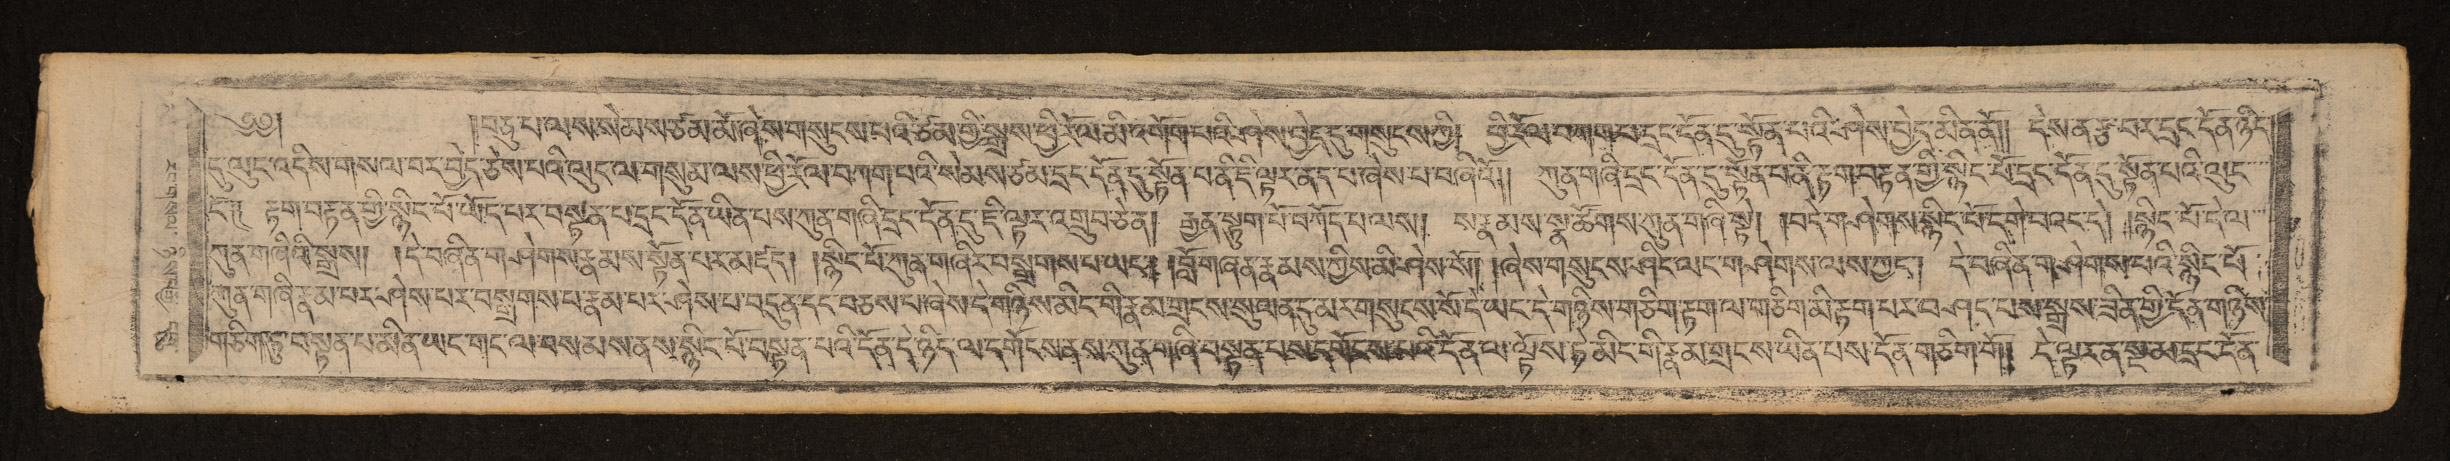༄༅། །བཅུ་པ་ལས་སེམས་ཙམ་མོ་ཞེས་གསུངས་པའི་ཙམ་གྱི་སྒྲས་ཕྱི་རོལ་མི་འགོག་པའི་ཤེས་བྱེད་དུ་གསུངས་ཀྱི། ཕྱི་རོལ་བཀག་པ་དྲང་དོན་དུ་སྟོན་པའི་ཤེས་བྱེད་མིན་ནོ།། དེས་ན་རྩ་བར་དྲང་དོན་ཉིད་
དུ་ལུང་འདིས་གསལ་བར་བྱེད་ཅེས་པའི་ལུང་ལ་གསུམ་ལས་ཕྱི་རོལ་བཀག་པའི་སེམས་ཙམ་དྲང་དོན་དུ་སྟོན་པ་ནི་ཇི་ལྟར་ནད་པ་ཞེས་པ་བཞིའོ།། ཀུན་གཞི་དྲང་དོན་དུ་སྟོན་པ་ནི་རྟག་བརྟན་གྱི་སྙིང་པོ་དྲང་དོན་དུ་སྟོན་པའི་ལུང་
ངོ༑༑ རྟག་བརྟན་གྱི་སྙིང་པོ་ཡོད་པར་བསྟན་པ་དྲང་དོན་ཡིན་པས་ཀུན་གཞི་དྲང་དོན་དུ་ཇི་ལྟར་འགྲུབ་ཅེ་ན། རྒྱན་སྟུག་པོ་བཀོད་པ་ལས། ས་རྣམས་སྣ་ཚོགས་ཀུན་གཞི་སྟེ། །བདེ་གཤེགས་སྙིང་པོ་དགེ་བའང་དེ། །སྙིང་པོ་དེ་ལ་
ཀུན་གཞིའི་སྒྲས། །དེ་བཞིན་གཤེགས་རྣམས་སྟོན་པར་མཛད། །སྙིང་པོ་ཀུན་གཞིར་བསྒྲགས་པ་ཡང་། །བློ་གཞན་རྣམས་ཀྱིས་མི་ཤེས་སོ། །ཞེས་གསུངས་ཤིང་ལང་གཤེགས་ལས་ཀྱང་། དེ་བཞིན་གཤེགས་པའི་སྙིང་པོ་
ཀུན་གཞི་རྣམ་པར་ཤེས་པར་བསྒྲགས་པ་རྣམ་པར་ཤེས་པ་བདུན་དང་བཅས་པ་ཞེས་དེ་གཉིས་མིང་གི་རྣམ་གྲངས་སུ་ལན་དུ་མར་གསུངས་སོ་དེ་ཡང་དེ་གཉིས་གཅིག་རྟག་ལ་གཅིག་མི་རྟག་པར་བཤད་པས་སྒྲས་ཟིན་གྱི་དོན་གཉིས་
གཅིག་ཏུ་བསྟན་པ་མིན་ཡང་གང་ལ་བསམས་ནས་སྙིང་པོ་བསྟན་པའི་དོན་དེ་ཉིད་ལ་དགོངས་ནས་ཀུན་གཞི་བསྟན་པས་དགོངས་པའི་དོན་ལ་ལྟོས་ཏེ་མིང་གི་རྣམ་གྲངས་ཡིན་པས་དོན་གཅིག་གོ། དེ་ལྟར་ན་སྔ་མ་དྲང་དོན་